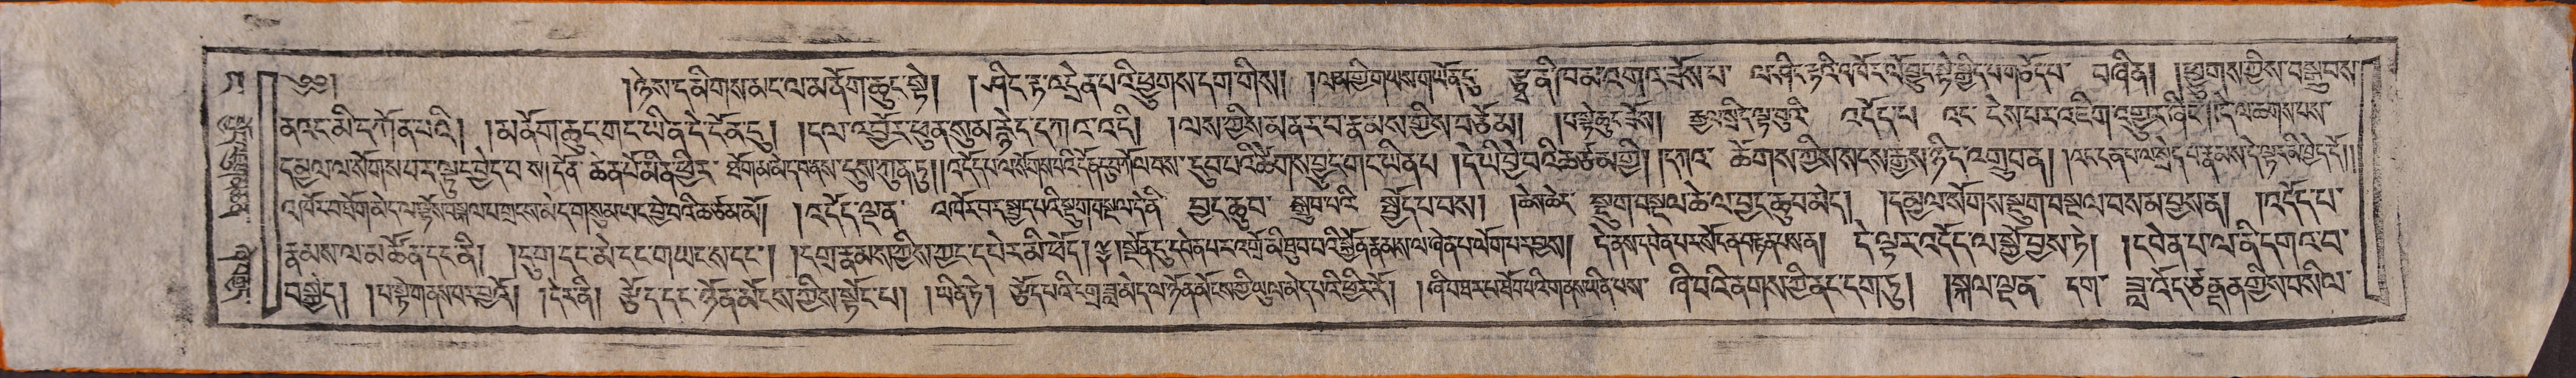༄༅། །ཉེས་དམིགས་མང་ལ་མནོག་ཆུང་སྟེ། །ཤིང་རྟ་འདྲེན་པའི་ཕྱུགས་དག་གིས། །ལམ་གྱི་གཡས་གཡོན་དུ་རྩྭ་ནི་ཁམ་འགའ་ཟོས་པ་ལ་ཤིང་རྟའི་འཁོར་ལོ་བྱུང་སྟེ་སྒྱིད་པ་གཅོད་པ་བཞིན། །ཕྱུགས་ཀྱིས་བསྒྲུབས་
ནའང་མི་དཀོན་པའི། །མནོག་ཆུང་གང་ཡིན་དེ་དོན་དུ། །དལ་འབྱོར་ཕུན་སུམ་རྙེད་དཀའ་འདི། །ལས་ཀྱིས་མནར་བ་རྣམས་ཀྱིས་བཅོམ། །པ་སྟེ་ཆུང་ཟོས། རྒྱལ་སྲིད་ལྟ་བུའི་འདད་པ་འང་ངེས་པར་འཇིག་འགྱུར་ཞིང་། །དེ་ལ་ཆགས་པས
དམྱལ་ལ་སོགས་པར་ལྟུང་བྱེད་པས། །དོན་ཆེན་པོ་མིན་ཕྱིར་ཐོག་མ་མེད་བ་ནས་དུས་ཀུན་ཏུ། །འདོད་པ་ལ་སོགས་པའི་དོན་དུ་བཀོལ་བས་དུབ་པའི་ཚོགས་བྱུང་གང་ཡིན་པ། །དེ་ཡི་བྱེ་བའི་ཆ་ཙམ་གྱིས། །དཀའ་ཆོགས་ཀྱིས་སངས་རྒྱས་ཉིད་འགྲུབ་ན། ལང་ངན་པ་ལ་སྲེད་པ་རྣམས་དེ་ལྟར་མི་བྱེད་དོ། །
འཁོར་བ་ཐོག་མེད་ལ་ལྟོས་བསྐལ་བ་གྲངས་མེད་གསུམ་ཡང་བྱེ་བའི་ཆ་ཙམ་མོ། །འདོད་ལྡན་འཁོར་བར་སྤྱད་པའི་སྡུག་བསྔལ་དེ་ནི་བྱང་ཆུབ་སྒྲུབ་པའི་སྤྱོད་པ་པས། །ཆེས་ཆེར་སྡུག་བསྔལ་ཆེ་ལ་བྱང་ཆུབ་མེད། །དམྱལ་སོགས་སྡུག་བསྔལ་བསམ་བྱས་ན། །འདོད་པ་
རྣམས་ལ་མཚོན་དང་ནི། །དུག་དང་མེ་དང་གཡངས་དང་། །དགྲ་རྣམས་ཀྱིས་ཀྱང་དཔེར་མི་ཕོད། ༈ །སྔོན་དུ་དབེན་པར་འགྲོ་མི་ཐུབ་པའི་སྐྱོན་རྣམས་ལ་ཞེན་པ་ལོག་པར་བྱས། །དེ་ནས་དབེན་པར་སོང་ན་བརྟན་པས་ན་དེ་ལྟར་འདོད་ལ་སྐྱོ་བྱས་ཏེ། །དབེན་པ་ལ་ནི་དགའ་བ་
བསྐྱེད། །པ་སྟེ་གནས་པར་བྱའོ། །དེར་ནི་རྩོད་དང་ཉོན་མོངས་ཀྱིས་སྟོང་པ། །ཡིན་ཏེ། རྩོད་པའི་དགྲ་ཟླ་མེད་ལ་ཉོན་མོངས་ཀྱི་ཡུལ་མེད་པའི་ཕྱིར་རོ། །ཞི་བ་ཐར་པ་ཐོབ་པའི་གནས་ཡིན་པས་ཞི་བའི་ནགས་ཀྱི་ནང་དག་ཏུ། །སྐལ་ལྡན་དག་ཟླ་འོད་ཙནྡན་གྱིས་བསིལ་